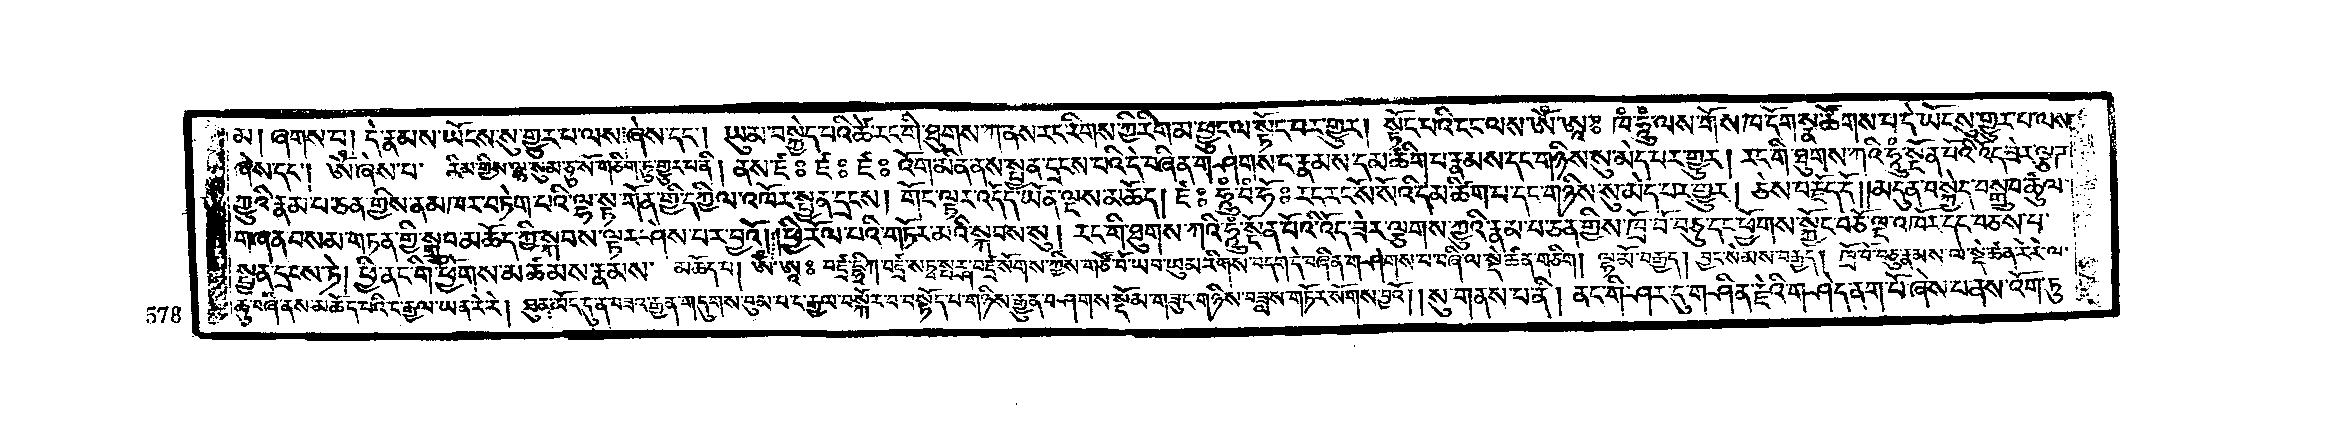མ། ཞགས་པ། དེ་རྣམས་ཡོངས་སུ་གྱུར་པ་ལས་ཞེས་དང་། ཡུམ་བསྐྱེད་པའི་ཚེ་རང་གི་ཐུགས་ཀ་ནས་རང་རིགས་ཀྱི་རིག་མ་ཕྱུང་ལ་སྟོང་པར་གྱུར། སྟོང་པའི་ངང་ལས་ཨོཾ་ཨཱཿ ཁཾ་ཧཱུཾ་ལས་གོས་ཁ་དོག་སྣ་ཚོགས་པ་དེ་ཡོངས་སུ་གྱུར་པ་ལས་
ཞེས་དང་། ཨོཾ་ཞེས་པ་རིམ་གྱིས་ལྷ་སུམ་ཅུ་སོ་གཅིག་ཏུ་གྱུར་པ་ནི་ནས་ཛཿ ཛཿ འོག་མིན་ནས་སྤྱན་དྲངས་པའི་དེ་བཞིན་གཤེགས་པ་རྣམས་དམ་ཚིག་པ་རྣམས་དང་གཉིས་སུ་མེད་པར་གྱུར། རང་གི་ཐུགས་ཀའི་ཧཱུཾ་སྔོན་པོའི་འོད་ཟེར་ལྕཌ་
ཀྱུའི་རྣམ་པ་ཅན་གྱིས་ནམ་མཁར་བཏེག་པའི་ལྷ་སྟ་གོན་གྱི་དཀྱིལ་འཁོར་སྤྱན་དྲངས། གོང་ལྟར་འདོད་ཡོན་ལྔས་མཆོད། ཛཿ ཧཱུམ་བམ་ཧོཿ རང་རང་སོ་སོའི་དམ་ཚིག་པ་དང་གཉིས་སུ་མེད་པར་གྱུར། ཅེས་བརྗོད་དོ། །མདུན་བསྐྱེད་བསྒྲུབ་ཚུལ་
གཞན་བསམ་གཏན་གྱི་སྒྲུབ་མཆོད་ཀྱི་སྐབས་ལྟར་ཤེས་པར་བྱའོ། །ཕྱི་རོལ་པའི་གཏོར་མའི་སྐབས་སུ། རང་གི་ཐུགས་ཀའི་ཧཱུཾ་སྔོན་པོའི་འོད་ཟེར་ལྕགས་ཀྱུའི་རྣམ་པ་ཅན་གྱིས་ཁྲོ་བོ་བཅུ་དང་ཕྱོགས་སྐྱོང་བཅོ་ལྔ་འཁོར་དང་བཅས་པ་
སྤྱན་དྲངས་ཏེ། ཕྱི་ནང་གི་ཕྱོགས་མཚམས་རྣམས་མཆོད་པ། ཨོཾ་ཨཱཿ བཛྲ་དྷྲིཀ་བྫྲ་སཏྭ་སྤརྴ་བཛྲ་སོགས་ཀྱིས་གཙོ་བོ་ཡབ་ཡུམ་རིགས་བདག་དེ་བཞིན་གཤེགས་པ་བཞི་ལ་སྡེ་ཚན་གཅིག །ལྷ་མོ་བརྒྱད། བྱང་སེམས་བརྒྱད། ཁྲོ་བོ་བཅུ་རྣམས་ལ་སྡེ་ཚན་རེ་རེ་ལ་
ཆུ་བཞི་ནས་མཆོད་པའི་ང་རྒྱལ་ཡན་རེ་རེ། ཐུན་མོང་དུ་ན་བཟའ་རྒྱན་གདུགས་བུམ་པ་ང་རྒྱལ་བསྐོར་བ་བསྟོད་པ་གཉིས་རྒྱུན་བཤགས་སྡོམ་བཟུང་གཉིས་བཟླས་གཏོར་སོགས་བྱའོ། །སུ་གནས་པ་ནི། ནང་གི་ཤར་དུ་གཤིན་རྗེའི་གཤེད་ནག་པོ་ཞེས་པ་ནས་འོག་ཏུ་